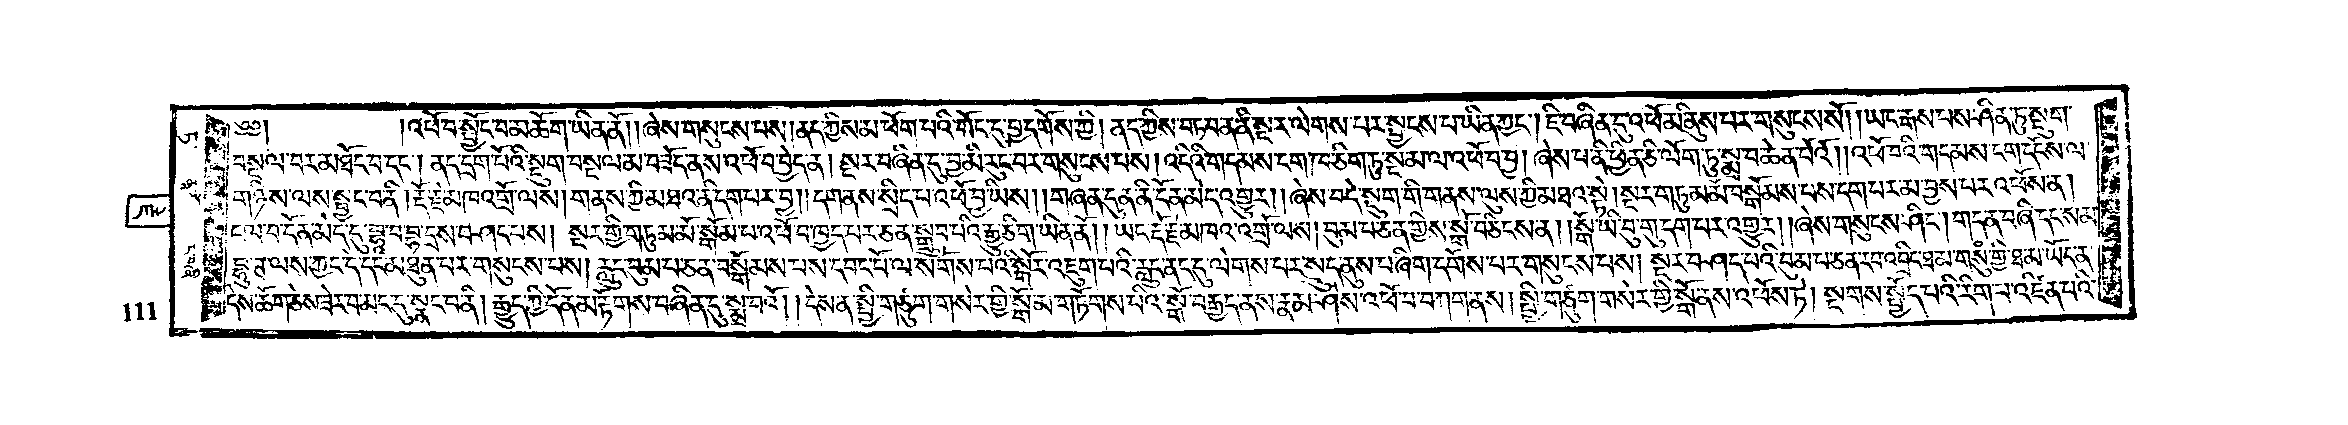༄༅། །འཕོ་བ་སྦྱོང་བ་མཆོག་ཡིན་ནོ། །ཞེས་གསུངས་པས། ནད་ཀྱིས་མ་ཕོག་པའི་གོང་དུ་བྱ་དགོས་ཀྱི། ནད་ཀྱིས་བཏབ་ན་ནི་སྔར་ལེགས་པར་སྦྱངས་པ་ཡིན་ཀྱང་། ཇི་བཞིན་དུ་འཕོ་མི་ནུས་པར་གསུངས་སོ། །ཡང་རྒས་པས་ཤིན་ཏུ་སྡུག་
བསྔལ་བར་མཐོང་བ་དང་། ནད་དྲག་པོའི་སྡུག་བསྔལ་མ་བཟོད་ནས་འཕོ་བ་བྱེད་ན། སྔར་བཞིན་དུ་བྱ་མི་རུང་བར་གསུངས་པས། འདིའི་གདམས་ངག་ཁ་ཅིག་ཏུ་སྔ་མ་ལ་འཕོ་བ་བྱ། ཞེས་པ་ནི་ཕྱིན་ཅི་ལོག་ཏུ་སྨྲ་བ་ཆེན་པོའོ། །འཕོ་བའི་གདམས་ངག་དངོས་ལ་
གཉིས་ལས་སྦྱང་བ་ནི། རྡོ་རྗེ་མཁའ་འགྲོ་ལས། གནས་ཀྱི་མཐའ་ནི་དག་པར་བྱ། །དག་ནས་སྲིད་པ་འཕོ་བྱ་ཡིས། །གཞན་དུ་ན་ནི་དོན་མེད་འགྱུར། །ཞེས་བདེ་སྡུག་གི་གནས་ལུས་ཀྱི་མཐའ་སྟེ། སྔར་གཏུམ་མོ་བསྒོམས་པས་དག་པར་མ་བྱས་པར་འཕོས་ན།
ངལ་བ་དོན་མེད་དུ་བྷཱ་བ་བྷ་དྲས་བཤད་པས། སྔར་གྱི་གཏུམ་མོ་སྒོམ་པ་འཕོ་བ་ཁྱད་པར་ཅན་སྒྲུབ་པའི་རྒྱུ་ཅིག་ཡིན་ནོ། །ཡང་རྡོ་རྗེ་མཁའ་འགྲོ་ལས། བུམ་པ་ཅན་གྱིས་སྒོ་བཅིངས་ན། །སྒོ་ཡི་བུ་གུ་དག་པར་འགྱུར། །ཞེས་གསུངས་ཤིང་། གདན་བཞི་དང་སམ་
བྷུ་ཊ་ལས་ཀྱང་དེ་དང་མཐུན་པར་གསུངས་པས། རླུང་བུམ་པ་ཅན་བསྒོམས་པས་དབང་པོ་ལ་སོགས་པའི་སྒོར་འཇུག་པའི་རླུང་ནང་དུ་ལེགས་པར་སྡུད་ནུས་པ་ཞིག་དགོས་པར་གསུངས་པས། སྔར་བཤད་པའི་བུམ་པ་ཅན་རབ་འབྲིང་ཐ་མ་གསུམ་གྱི་ཐ་མ་ཡོད་ན་
དེས་ཆོག་ཅེས་ཟེར་བ་མང་དུ་སྣང་བ་ནི། རྒྱུད་ཀྱི་དོན་མ་རྟོགས་བཞིན་དུ་སྨྲ་བའོ། །དེས་ན་སྤྱི་གཙུག་གསེར་གྱི་སྒོ་མ་གཏོགས་པའི་སྒོ་བརྒྱད་ནས་རྣམ་ཤེས་འཕོ་བ་བཀག་ནས། སྤྱི་གཙུག་གསེར་གྱི་སྒོ་ནས་འཕོས་ཏེ། སྔགས་སྤྱོད་པའི་རིག་པ་འཛིན་པའི་